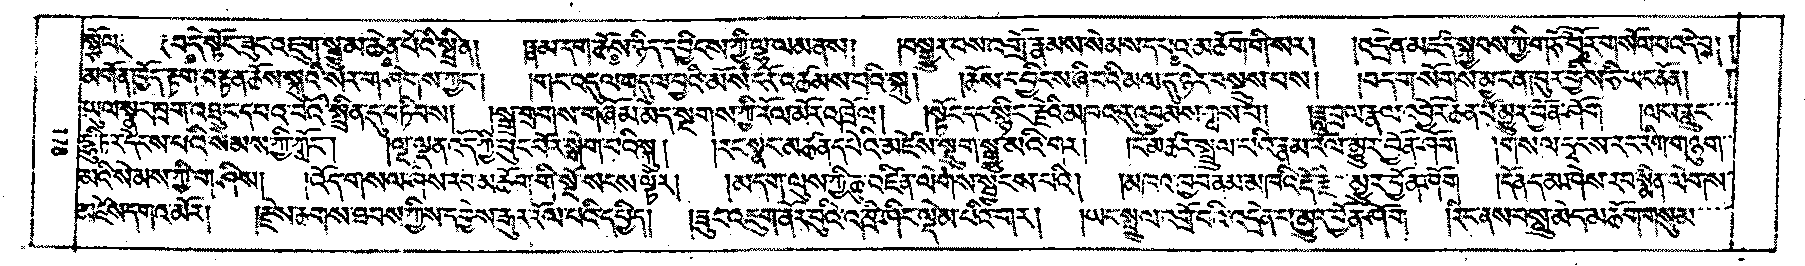སྩོལ༑ ༑བདེ྾་སྟོང་ཟུང་འཇུག་སྒྱུ་མ་ཆེན྾་པོའི་སྤྲིན། །རྣམ་དག་ཆོས྾་ཉིད་དབྱིངས་ཀྱི྾་ལྷ་ལམ་ནས། །བསྒྱུར་བས་འགྲོ་རྣམས་སེམས་དཔའ྾་མཆོག་གི་སར། །འདྲེན་མཛད་སྐྱབས་ཀྱི་གཙོ་བོར྾་གསོལ་བ་འདེབས། །
མགོན་ཁྱོད་རྟག་བརྟན་ཆོས་སྐུའི་སར་གཤེགས་ཀྱང་། །གང་འདུལ་གདུལ་བྱའི་མོས་ངོར་འཚམས་པའི་སྐུ། །ཆོས་དབྱིངས་ཞི་བའི་མལ་དུ་ཉེར་བསྡུས་པས། །བདག་སོགས་མྱ་ངན་ཁུར་གྱིས་ཅི་ཡང་ནོན། །
ཡུལ་སྣང་ཁྲག་འཐུང་དཔའ་བོའི་སྤྲིན་དུ་བཏིབས། །སྒྲ་གྲགས་གཞོམ་མེད་སྔགས་ཀྱི་རོལ་མོར་འཁྲོལ། །སྟོང་དང་སྙིང་རྗེའི་མཁའ་རུ་འབྱམས་ཀླས་པ། །ཟླ་བྲལ་རྣལ་འབྱོར་ཆེན་པོ་མྱུར་བྱོན་ཤོག །ལས་རླུང་
དྷུ་ཏིར་དེངས་པའི་སེམས་ཀྱི་ཀློང་། །ལྔ་ལྡན་འོད་ཀྱི་ཕུང་པོར་སྒེག་པའི་སྐུ། །རང་སྣང་མཚན་དཔེའི་མཛེས་སྡུག་སྒྱུ་མའི་གར། །ངོ་མཚར་སྤྲུལ་པའི་རྣམ་རོལ་མྱུར་བྱོན་ཤོག །གསལ་དྭངས་རང་རིག་གཉུག་
མའི་སེམས་ཀྱི་གཤིས། །འོད་གསལ་ཤེས་རབ་མཆོག་གི་སྔོ་སངས་ལྟར། །མ་དག་ལུས་ཀྱི་ཆུ་འཛིན་ལེགས་སྦྱངས་པའི། །མཁའ་ཁྱབ་ནམ་མཁའི་རྡོ་རྗེ་མྱུར་བྱོན་ཤོག །དོན་དམ་ཤེས་རབ་སྨིན་ལེགས་
མཛེས་དགའ་མོར། །རྗེས་ཆགས་ཐབས་ཀྱིས་དགྱེས་རྒུར་རོལ་པའི་དཔྱིད། །ཟུང་འཇུག་ནོར་བུའི་འཁྲི་ཤིང་ལྡེམ་པའི་གར། །ཡང་སྤྲུལ་འགྲོ་བའི་འདྲེན་པ་མྱུར་བྱོན་ཤོག །རིང་ནས་བསླུ་མེད་མཆོག་གསུམ་